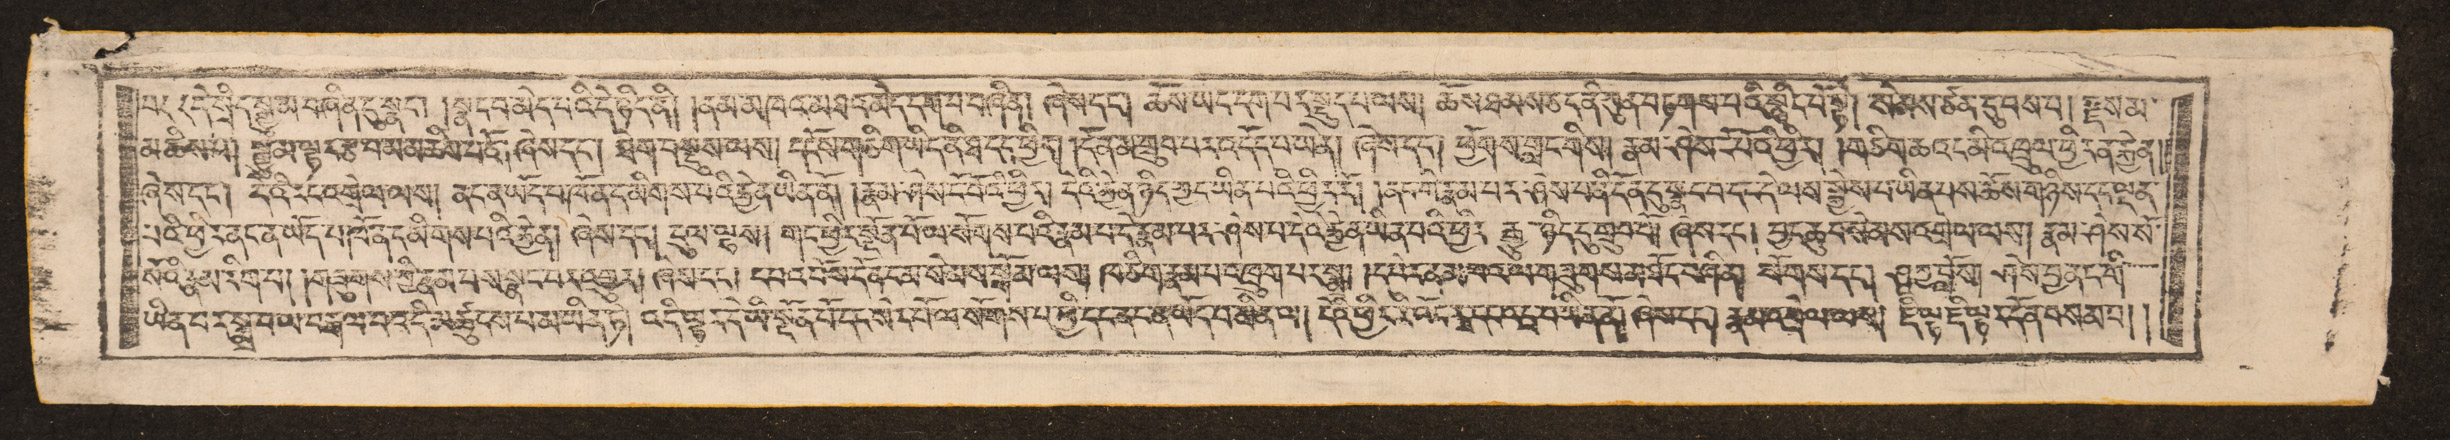པ༑ ༑དེ་སྲིད་སྒྱུ་མ་བཞིན་དུ་སྣང་། །སྣང་བ་མེད་པའི་དེ་ཉིད་ནི། །ནམ་མཁའ་མཐའ་མེད་དག་པ་བཞིན། ཞེས་དང་། ཆོས་ཡང་དག་པར་སྡུད་པ་ལས། ཆོས་ཐམས་ཅད་ནི་ཀུན་བཏགས་པའི་སྙིང་པོ་སྟེ། སེམས་ཙམ་དུ་བས་པ། རྫས་མ་
མཆིས་པ། སྒྱུ་མ་ལྟར་རྩ་བ་མ་མཆིས་པའོ། ཞེས་དང་། ཐེག་བསྡུས་ལས། དངོས་གཅིག་ཡང་ནི་ཐ་དད་ཕྱིར། །དོན་མ་གྲུབ་པར་འདོད་པ་ཡིན། ཞེས་དང་། ཕྱོགས་གླང་གིས། རྣམ་ཤེས་ངོ་བོའི་ཕྱིར། །གཅིག་ཆའང་མི་འཁྲུལ་ཕྱིར་ན་རྐྱེན།
ཞེས་དང་། དེའི་རང་འགྲེལ་ལས། ནང་ན་ཡོད་པ་ཁོ་ན་དམིགས་པའི་རྐྱེན་ཡིན་ནོ། །རྣམ་ཤེས་ངོ་བོའི་ཕྱིར། དེའི་རྐྱེན་ཉིད་ཀྱང་ཡིན་པའི་ཕྱིར་རོ། །ནང་གི་རྣམ་པར་ཤེས་པ་ནི་དོན་དུ་སྣང་བ་དང་དེ་ལས་སྐྱེས་པ་ཡིན་པས་ཆོས་གཉིས་དང་ལྡན་
པའི་ཕྱིར་ནང་ན་ཡོད་པ་ཁོ་ན་དམིགས་པའི་རྐྱེན། ཞེས་དང་། དུལ་ལྷས། གང་ཕྱིར་སྔོན་པོ་ལ་སོགས་པའི་རྣམ་པ་དེ་རྣམ་པར་ཤེས་པ་དེའི་རྐྱེན་ཡིན་པའི་ཕྱིར་རྒྱུ་ཉིད་དུ་གྲུབ་པོ། ཞེས་དང་། བྱང་ཆུབ་སེམས་འགྲེལ་ལས། རྣམ་ཤེས་སོ་
སོའི་རྣམ་རིག་པ། །གཟུགས་ཀྱི་རྣམ་པས་སྣང་བར་འགྱུར། ཞེས་དང་། དཔའ་བོས་དོན་དམ་སེམས་སྒོམ་ལས། ཁ་ཅིག་རྣམ་པ་འཁྲུག་པར་སྨྲ། །དཔེར་ན་མཁའ་ལ་གཟུགས་མཐོང་བཞིན། སོགས་དང་། ཤཱཀྱ་བློས། ཤེས་བྱ་ནང་གི་
ཡིན་པར་སྨྲ་བ་ལ་བརྒལ་བ་འདི་མཚུངས་པ་མ་ཡིན་ཏེ། འདི་ལྟར་དེ་ཡི་སྔོན་པོ་དང་སེར་པོ་ལ་སོགས་པ་ཕྱི་དང་ནང་ན་ཡོད་པ་མིན་ལ། དེའི་ཕྱིར་རི་བོང་རྭ་དང་འདྲ་བ་ཡིན་ནོ། ཞེས་དང་། རྣམ་འགྲེལ་ལས། ཇི་ལྟ་ཇི་ལྟར་དོན་བསམ་པ། །